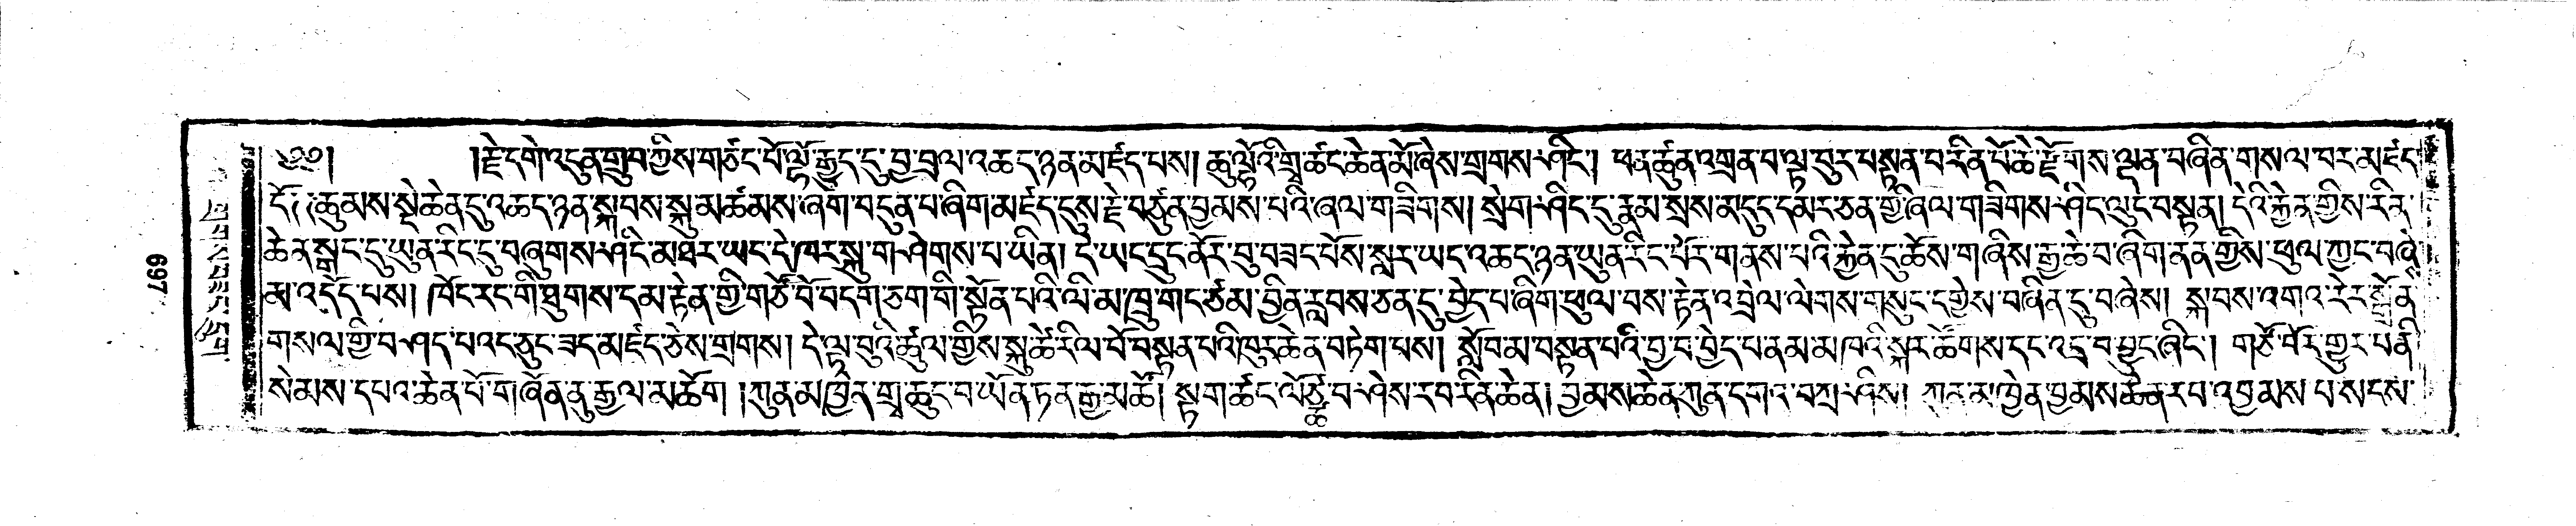༄༅། །རྗེ་དགེ་འདུན་གྲུབ་ཀྱིས་གཙང་པོ་ལྷོ་རྒྱུད་དུ་བྱ་བྲལ་འཆད་ཉན་མཛད་པས། ཆུ་ལྷོའི་གྲྭ་ཚང་ཆེན་མོ་ཞེས་གྲགས་ཤིང་། ཕན་ཚུན་འགྲན་པ་ལྟ་བུར་བསྟན་པ་རིན་པོ་ཆེ་རྫོགས་ལྡན་བཞིན་གསལ་བར་མཛད་
དོ༑ ༑ཆུམས་སྡེ་ཆེན་དུ་ཆད་ཉན་སྐབས་སྐུ་མཚམས་ཞག་བདུན་པ་ཞིག་མཛད་དུས་རྗེ་བཙུན་བྱམས་པའི་ཞལ་གཟིགས། སྲེག་ཤིང་དུ་རྣམས་སྲས་མདུང་དམར་ཅན་གྱི་ཞལ་གཟིགས་ཤིང་ལུང་བསྟན། དེའི་རྐྱེན་གྱིས་རིན་
ཆེན་སྒང་དུ་ཡུན་རིང་དུ་བཞུགས་ཤིང་མཐར་ཡང་དེ་ཁར་སྐུ་གཤེགས་པ་ཡིན། དེ་ཡང་དྲུང་ནོར་བུ་བཟང་པོས་སླར་ཡང་འཆད་ཉན་ཡུན་རིང་པོར་གནས་པའི་རྐྱེན་དུ་ཆོས་གཞིས་རྒྱ་ཆེ་བ་ཞིག་ནན་གྱིས་ཕུལ་ཀྱང་བཞེས་
མ་འདོད་པས། ཁོང་རང་གི་ཐུགས་དམ་རྟེན་གྱི་གཙོ་བོ་བདག་ཅག་གི་སྟོན་པའི་ལི་མ་ཁྲུ་གང་ཙམ་བྱིན་རླབས་ཅན་དུ་བྱེད་པ་ཞིག་ཕུལ་བས་རྟེན་འབྲེལ་ལེགས་གསུང་དགྱེས་བཞིན་དུ་བཞེས། སྐབས་འགའ་རེར་སྒྲོན་
གསལ་གྱི་བཤད་པའང་ཅུང་ཟད་མཛད་ཅེས་གྲགས། དེ་ལྟ་བུའི་ཚུལ་གྱིས་སྐུ་ཚེ་རིལ་པོ་བསྟན་པའི་ཁུར་ཆེན་བཏེག་པས། སློབ་མ་བསྟན་པའི་བྱ་བ་བྱེད་པ་ནམ་མཁའི་སྐར་ཚོགས་དང་འདྲ་བ་བྱུང་ཞིང་། གཙོ་བོར་གྱུར་པ་ནི།
སེམས་དཔའ་ཆེན་པོ་གཞོན་ནུ་རྒྱལ་མཆོག །ཀུན་མཁྱེན་གྲྭ་ཆུང་བ་ཡོན་ཏན་རྒྱ་མཚོ། སྟག་ཚང་ལོཙྪ་བ་ཤེས་རབ་རིན་ཆེན། བྱམས་ཆེན་ཀུན་དགའ་བཀྲ་ཤིས། ཀུན་མཁྱེན་བྱམས་ཆེན་རབ་འབྱམས་པ། སངས་